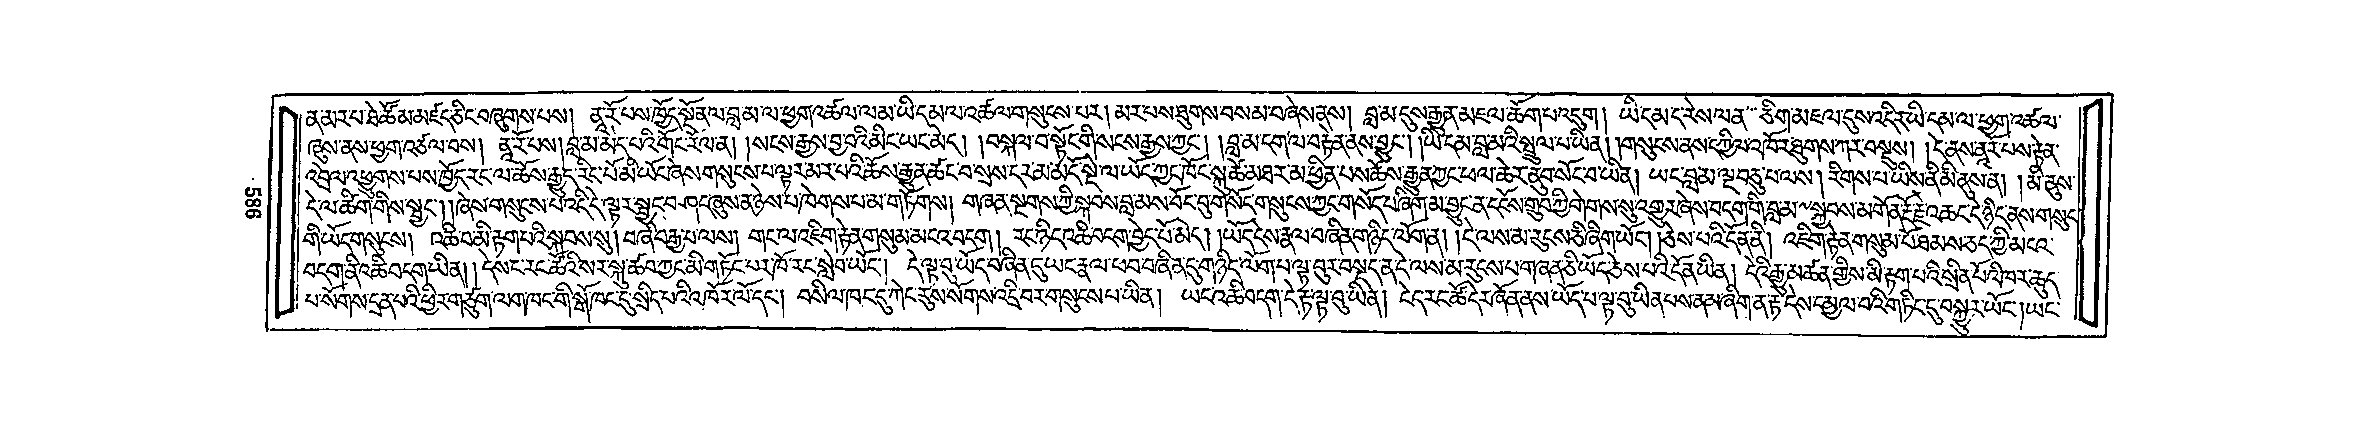ན་མར་པ་ཐེ་ཚོམ་མཛད་ཅིང་བཞུགས་པས། ནཱ་རོ་པས་ཁྱོད་སྔོན་ལ་བླ་མ་ལ་ཕྱག་འཚལ་ལམ་ཡི་དམ་ལ་འཚལ་གསུངས་པར། མར་པས་ཐུགས་བསམ་བཞེས་ནས། བླ་མ་དུས་རྒྱུན་མཇལ་ཆོག་པ་འདུག །ཡི་དམ་ད་རེས་ལན་ཅིག་མཇལ་དུས་འདིར་ཡི་དམ་ལ་ཕྱག་འཚལ་
ཞུས་ནས་ཕྱག་འྩལ་བས། ནཱ་རོ་པས། བླ་མ་མེད་པའི་གོང་རོལ་ན། །སངས་རྒྱས་བྱ་བའི་མིང་ཡང་མེད། །བསྐལ་བ་སྟོང་གི་སངས་རྒྱས་ཀྱང་། །བླ་མ་དག་ལ་བརྟེན་ནས་བྱུང་། །ཡི་དམ་བླ་མའི་སྤྲུལ་པ་ཡིན། །གསུངས་ནས་དཀྱིལ་འཁོར་ཐུགས་ཀར་བསྡུས། །དེ་ནས་ནཱ་རོ་པས་རྟེན་
འབྲེལ་འཕྱུགས་པས་ཁྱོད་རང་ལ་ཆོས་རྒྱུད་རིང་པོ་མི་ཡོང་ཞེས་གསུངས་པ་ལྟར་མར་པའི་ཆོས་རྒྱུན་ཚང་བ་སྲས་དར་མ་མདོ་སྡེ་ལ་ཡོད་ཀྱང་ཁོང་སྐུ་ཚེ་མཐར་མ་ཕྱིན་པས་ཆོས་རྒྱུན་ཀྱང་ཕལ་ཆེར་ནུབ་སོང་བ་ཡིན། ཡང་བླ་མ་ལྔ་བཅུ་པ་ལས། རིགས་པ་ཡིས་ནི་མི་ནུས་ན། །མི་ནུས་
དེ་ལ་ཚིག་གིས་སྦྱང་། །ཞེས་གསུངས་པ་འདི་དེ་ལྟར་སྦྱང་བཤད་ཞུས་ན་ཉེས་པ་ཁེགས་པ་མ་གཏོགས། གཞན་སྔགས་ཀྱི་སྐབས་བླ་མས་བོང་བུ་གསོད་གསུངས་ཀྱང་གསོད་པ་ཞིག་མ་བྱུང་ན་དངོས་གྲུབ་ཀྱི་གེགས་སུ་འགྱུར་ཞེས་བདག་གི་བླ་མ ༧སྐྱབས་མགོན་རྡོ་རྗེ་འཆང་དེ་ཉིད་ནས་གསུང་
གི་ཡོད་གསུངས། འཆི་བ་མི་རྟག་པའི་སྐབས་སུ། བཞི་བརྒྱ་པ་ལས། གང་ལ་འཇིག་རྟེན་གསུམ་མངའ་བདག །རང་ཉིད་འཆི་བདག་བྱེད་པོ་མེད། །ཡོད་དེས་རྣལ་བཞིན་གཉིད་ལོག་ན། །དེ་ལས་མ་རུངས་ཅི་ཞིག་ཡོང་། །ཅེས་པའི་དོན་ནི། འཇིག་རྟེན་གསུམ་པོ་ཐམས་ཅད་ཀྱི་མངའ་
བདག་ནི་འཆི་བདག་ཡིན། །དེས་ང་རང་ཚོའི་སར་སྐུ་ཚབ་ཀྱང་མི་གཏོང་པར་ཁོ་རང་སླེབས་ཡོང་། དེ་ལྟ་བུ་ཡོད་བཞིན་དུ་ཡང་རྣལ་ཕབ་བཞིན་དུ་གཉིད་ལོག་པ་ལྟ་བུར་བསྡད་ན་དེ་ལས་མ་རུངས་པ་གཞན་ཅི་ཡོད་ཅེས་པའི་དོན་ཡིན། དེའི་རྒྱུ་མཚན་གྱིས་མི་རྟག་པའི་སྲིན་པོའི་ཁར་ཆུད་
པ་སོགས་དྲན་པའི་ཕྱིར་གཙུག་ལག་ཁང་གི་སྒོ་ཁང་དུ་སྲིད་པའི་འཁོར་ལོ་དང་། བསིལ་ཁང་དུ་ཀེང་རུས་སོགས་འདྲི་བར་གསུངས་པ་ཡིན། ཡང་འཆི་བདག་དེ་རྟ་ལྟ་བུ་ཡིན། ངེད་རང་ཚོ་དེར་ཞོན་ནས་ཡོད་པ་ལྟ་བུ་ཡིན་པས་ནམ་ཞིག་ན་རྟ་དེས་དམྱལ་བའི་གཏིང་དུ་བསྐྱུར་ཡོང་། ཡང་